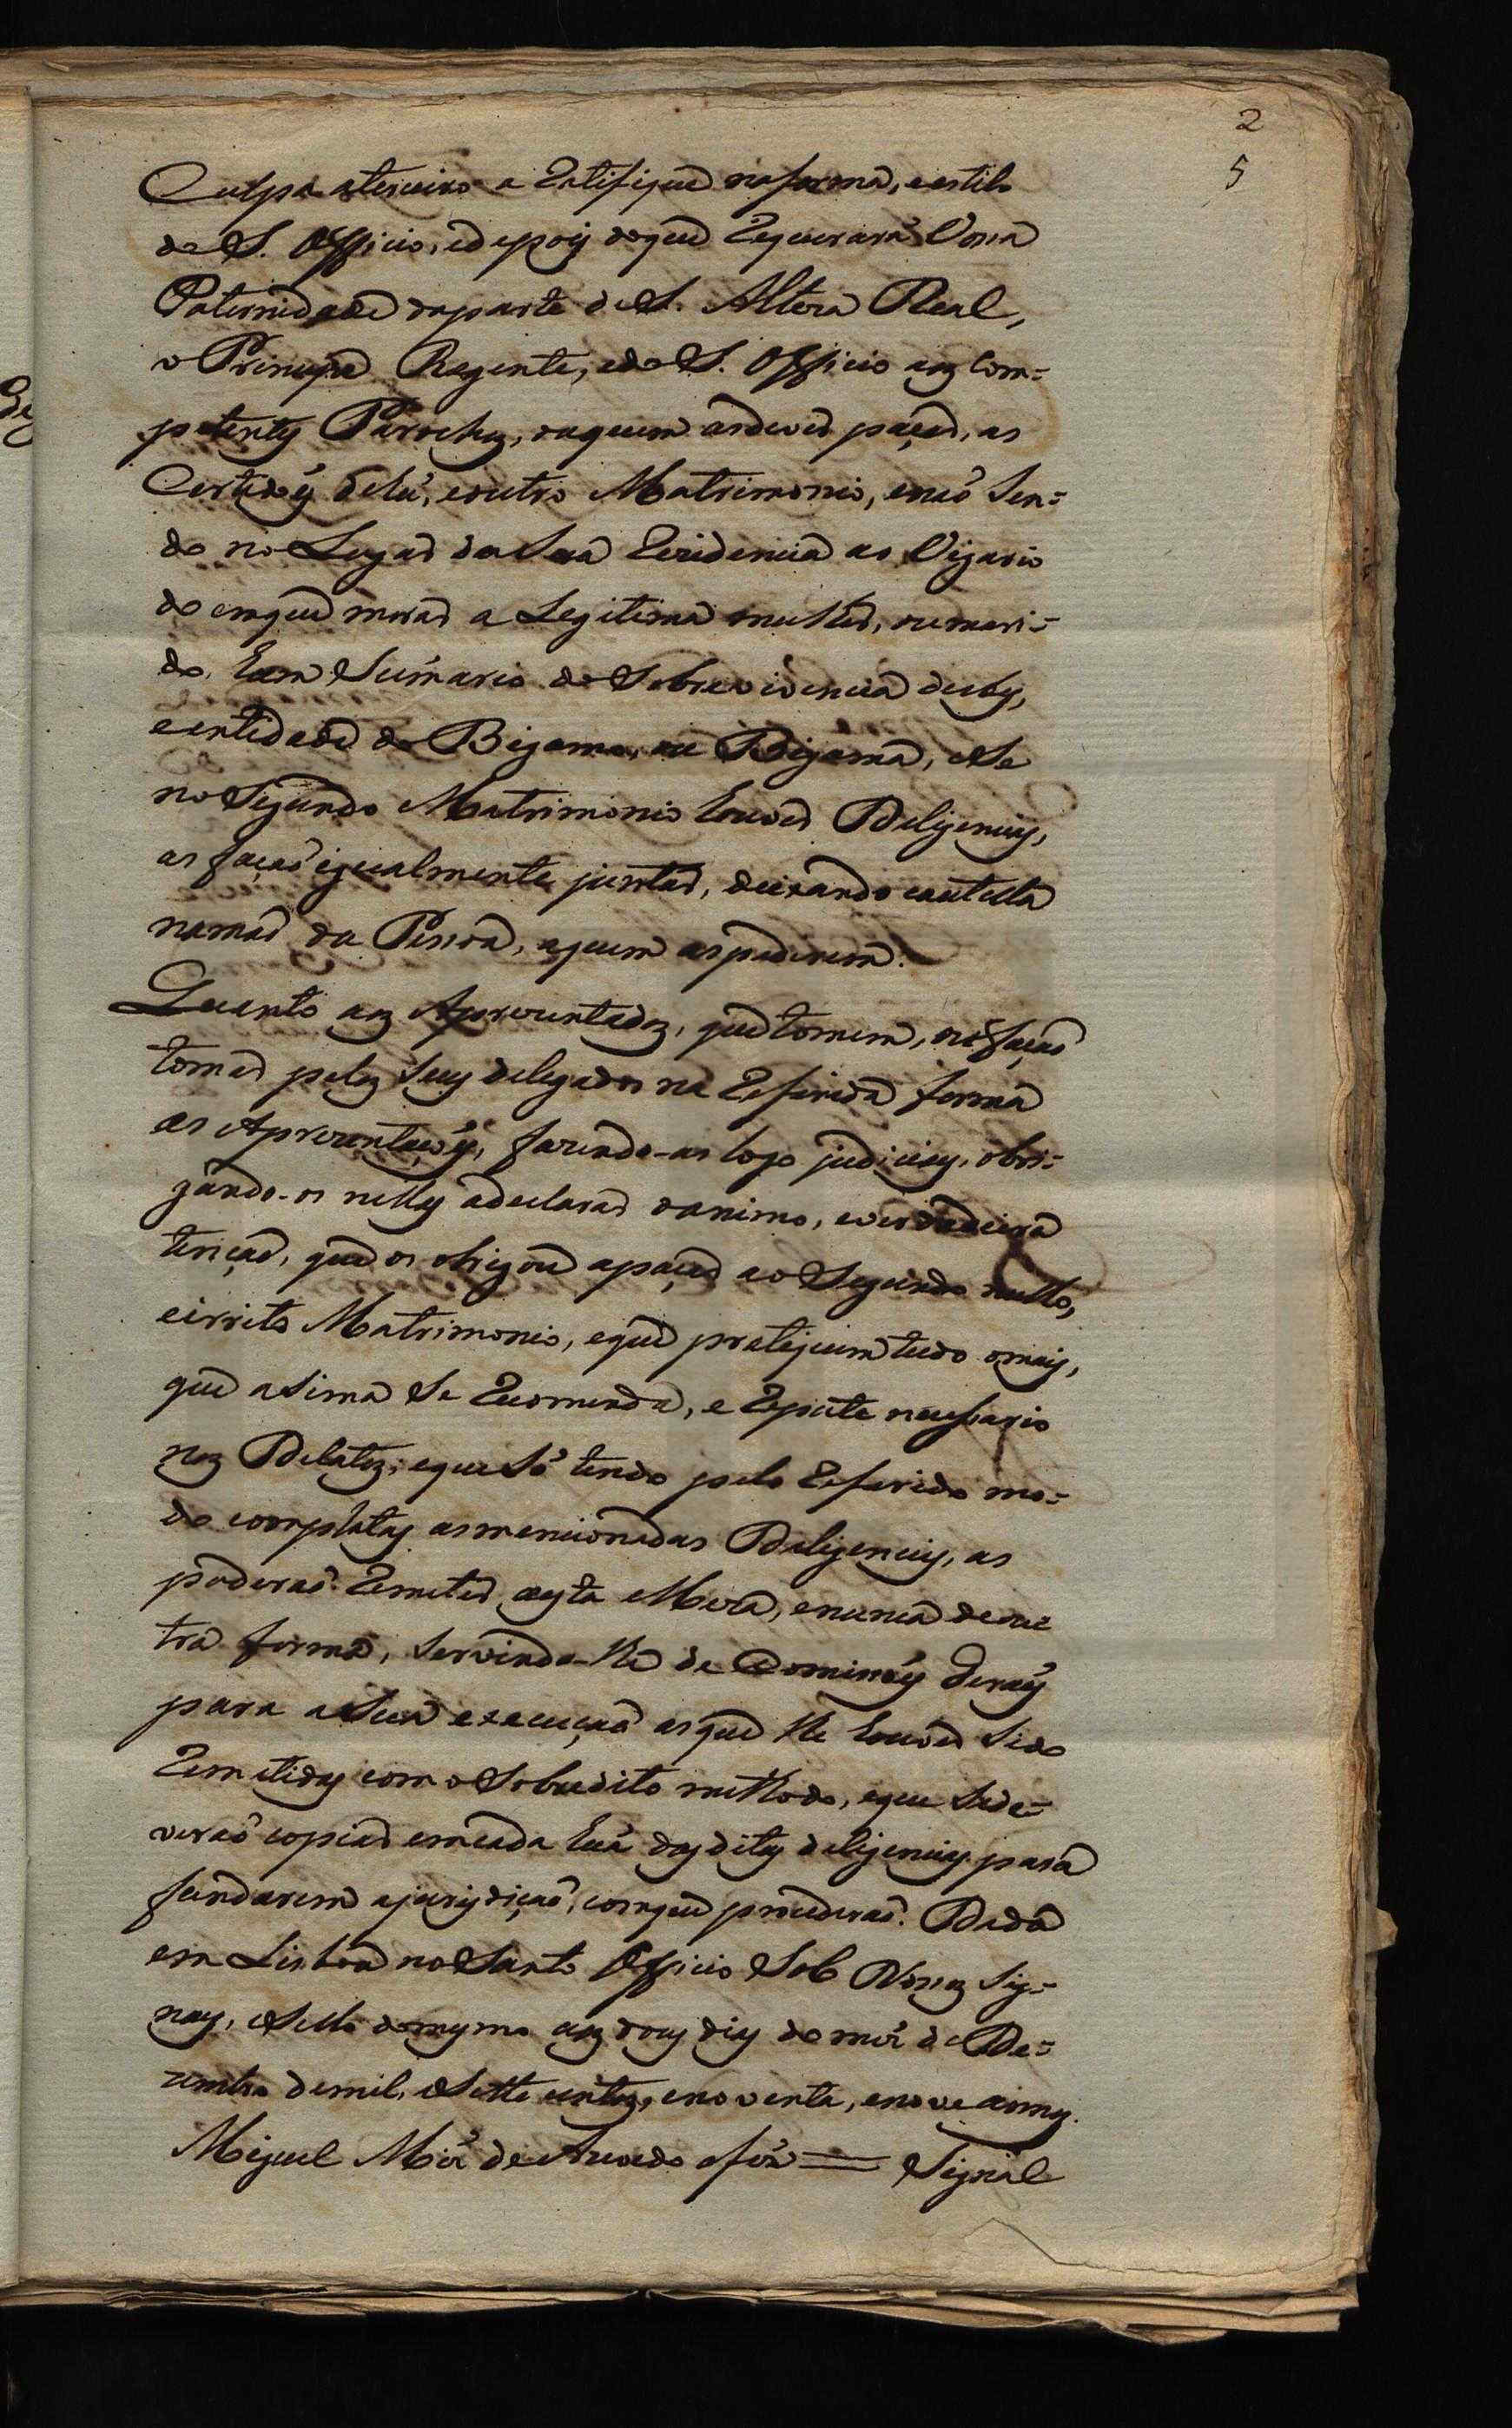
Culpa a terceiro a Retifique na forma, e estilo
do S. Officio, e depois do que Requerará Vossa
Paternidade da parte de S. Alteza Real,
o Principe Regente, e do S. Officio aoz com
petentes Parochoz, ou quem as dever paçar, as
Certidoẽs de hū, e outro Matrimonio, e naõ Sen
do no Lugar da Sua Rezidencia ao Vigario
do em que morar a Legitima mulher, ou mari
do, hum Sumario de Sobrevivencia destes
e entidade do Bigamo ou Bigama, e Se
no Segundo Matrimonio houver Diligencias,
as façaõ igualmente juntar, deixando cautella
na maõ da Pessoa, a quem as pedirem.
Quanto aoz Aprezentadoz, que tomem, ou façaõ
tomar pelos seus delegados na Referida forma
as Aprezentaçoẽs, fazendo-as logo judiciaes, obri
gando-os nellas a declarar o animo, e verdadeira
tençaõ, que os obrigou a paçar ao Segundo nullo,
e irrito Matrimonio, e que pratejcam tudo o mais,
que asima Se Recomenda, e Repute necessario
noz Delatoz; e que Só tendo pelo Referido mo
do completas as mencionadas Deligencias, as
poderaõ Remeter a esta Meza, e nunca de ou
tra forma, servindo-lhe de Comissoẽs Geraés
para a Sua execuçaõ as que lhe houver sido
Remetidas com o Sobredito methodo, e que se de
veraõ copiar em cada huā das ditas deligencias para
fundarem a jurisdiçaõ, com que procederaõ. Dada
em Lisboa no Santo Officio Sob Nossoz sig
nais, e Sello do mesmo aoz dous dias do méz de De
zembro de mil, e Settecentos, e noventa, e nove annos.
Miguel Miz̄. de Azevedo o fiz =Signal
